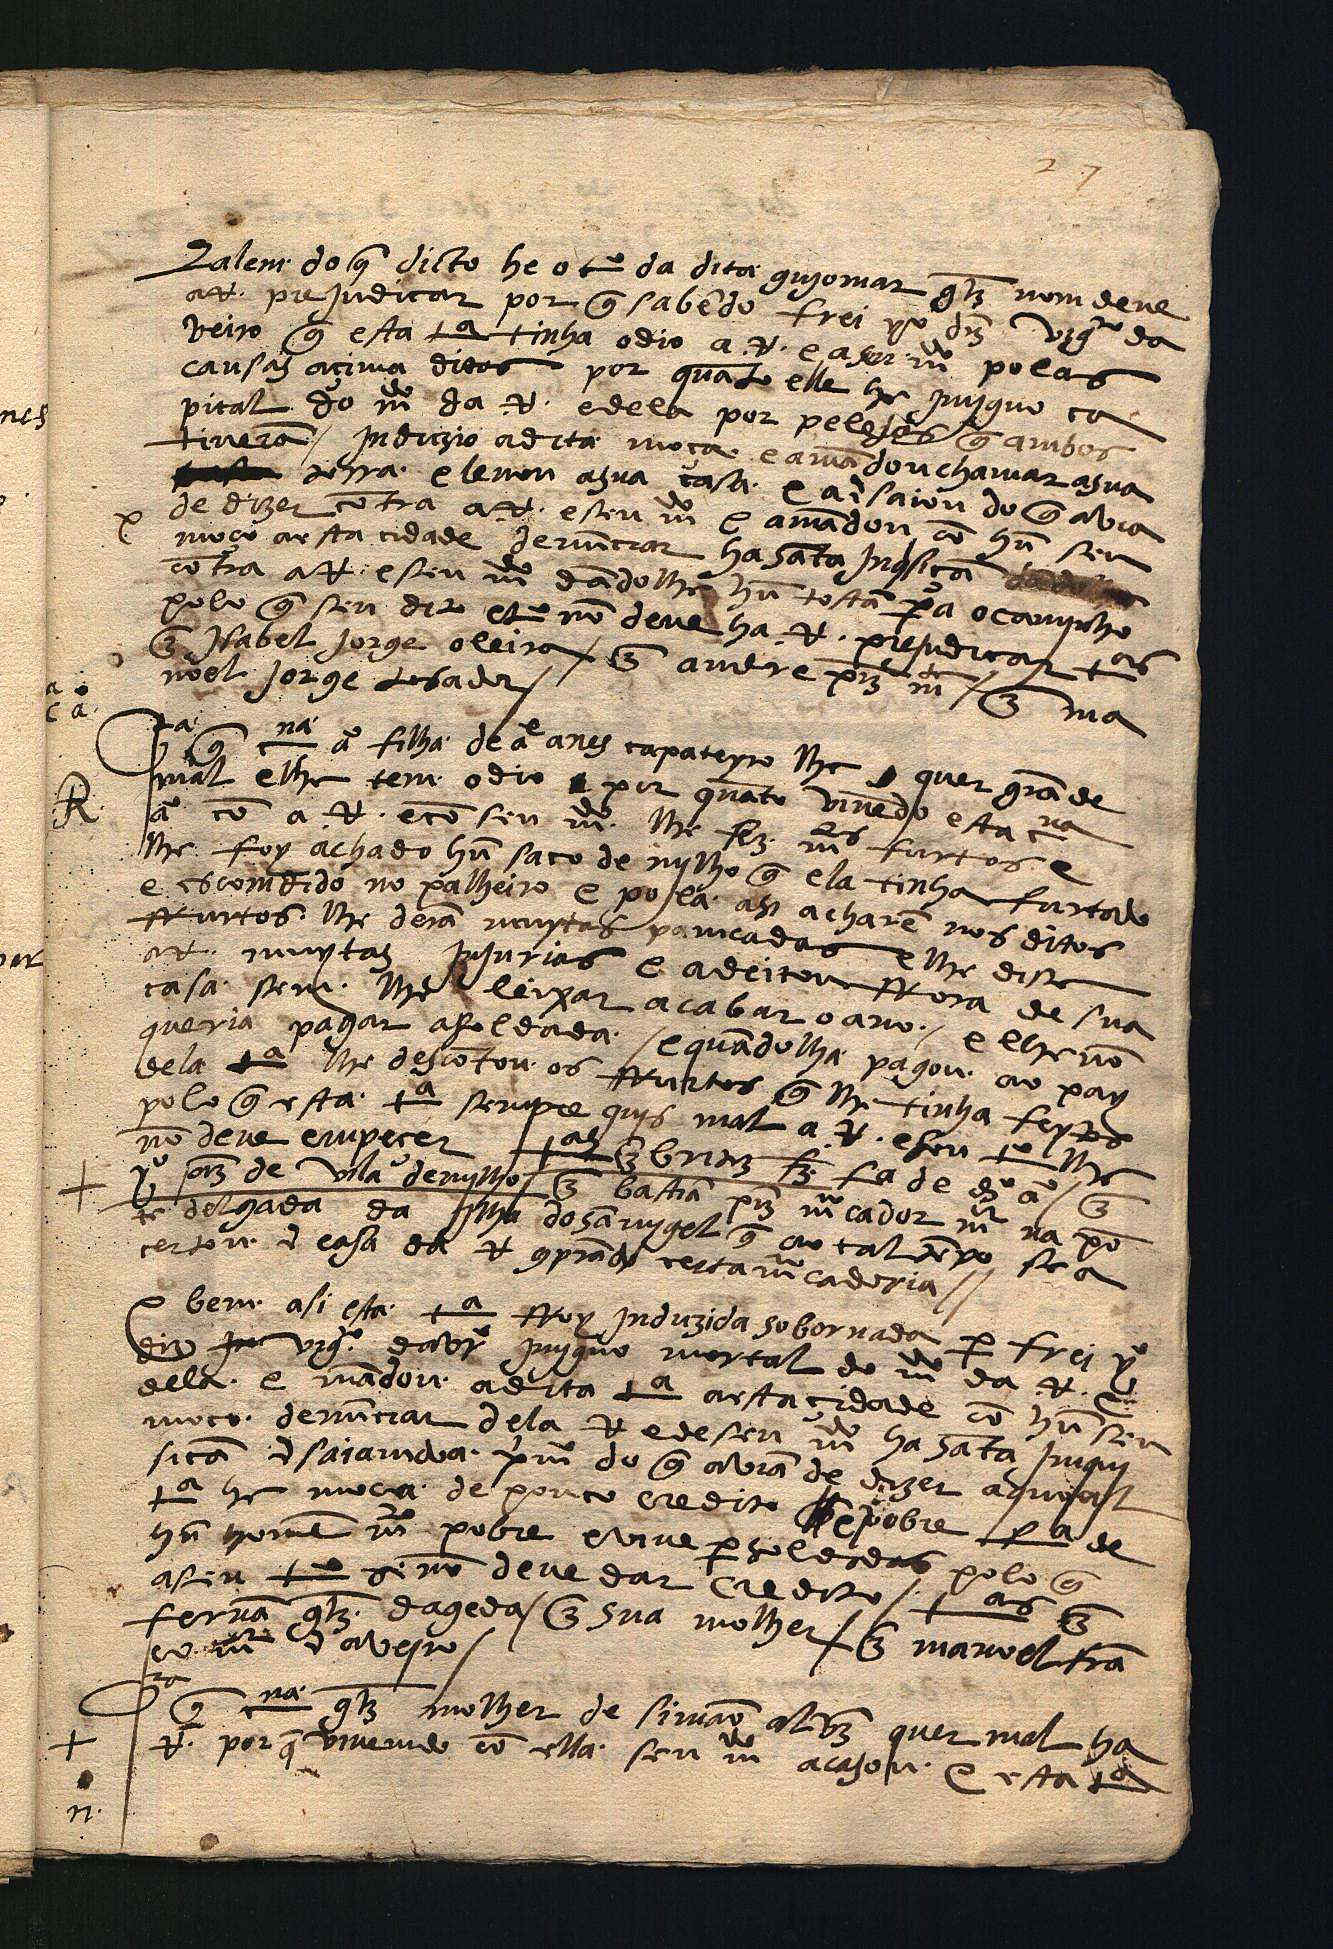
E alem do q̄ dicto he o to da dita gujomar ḡlz nom deue
a R preJudicar porq̄ sabēdo frei yo dīz vigro da
veiro q̄ esta ta tinha odio a R e a seu mdo polas
causas acima ditas por qūato elle he Jmjguo ca
pitaL do mdo da R e dela por peleJas q̄ ambos
tiuer̄a / Jnduzio a dita moça e a mādou chamar a sua
terra e leuou a sua casa a ēsaiou do q̄ avia
de dizer c̄otra a R e seu mdo e a m̄adou c̄o hū seu
moço a esta cidade denūciar ha Sāta Jnqisiçãm dāde lhe
c̄otra a R e seu mdo dādolhe hū tostā ꝑa o camjnho
polo q̄ seu dito e to nō deue ha R prejudicar tas
item JsabeL Jorge oleira / item andre p̄iz mte / item ma
noeL Jorge tosador /
Pra q̄ cna ao filha de ae anes çapateyro lhe quer gr̄ade
maL e lhe tem odio por qūato viuēdo esta cna
ao c̄o a R e c̄o seu mdo lhe fez mtos furtos e
lhe foy achado hū saco de mjlho q̄ ela tinha furtado
e escomdido no palheiro e po la asi acharē nos ditos
ffurtos lhe der̄a muytas pamcadas e lhe dise
a R muytas Jnjurias e a deitou ffora de sua
casa sem lhe leixar acabar o ano. e lhe nō
queria pagar a soldada / e quādo lha pagou ao pay
dela ta lhe descōtou os ffurtos q̄ lhe tinha feytos
polo q̄ esta ta sempre qujs maL a R e seu to lhe
nō deue empeçer tas item britez f̄z filha de dio ao / item
yo p̄iz de vila de mjlho / item bastiā pīz m̄cador mor na pō
te delgada da Jlha de Sā mjgeL q̄ ao taL tēpo se a
certou ē casa da R ꝯprādo certa m̄cadoria //
e bem asi esta ta ffoy Jnduzida sobornada ꝑ frei yo
diz Jm vig.ro davro Jmjguo mortaL do mdo da R e
dela e mādou a dita ta a esta çidade c̄o hū seu
moço denūciar dela R e de seu mdo ha Sāta Jmquj
siçā ēsaiamdoa pimo do q̄ aviā de dizer a quoaL
ta he moça de pouco credito e pobre fa de
hū homē mto pobre e viue ꝑ soldadas polo q̄
a seu to se n̄o deue dar credito / tas item
fernā ḡlz dageda / item Sua molher / item manoeL frā
co mor ē avejro
Pra q̄ cna ḡlz molher de simão aLvz̄ quer maL ha
R porq̄ viuemdo c̄o ella seu mdo a casou e esta ta
